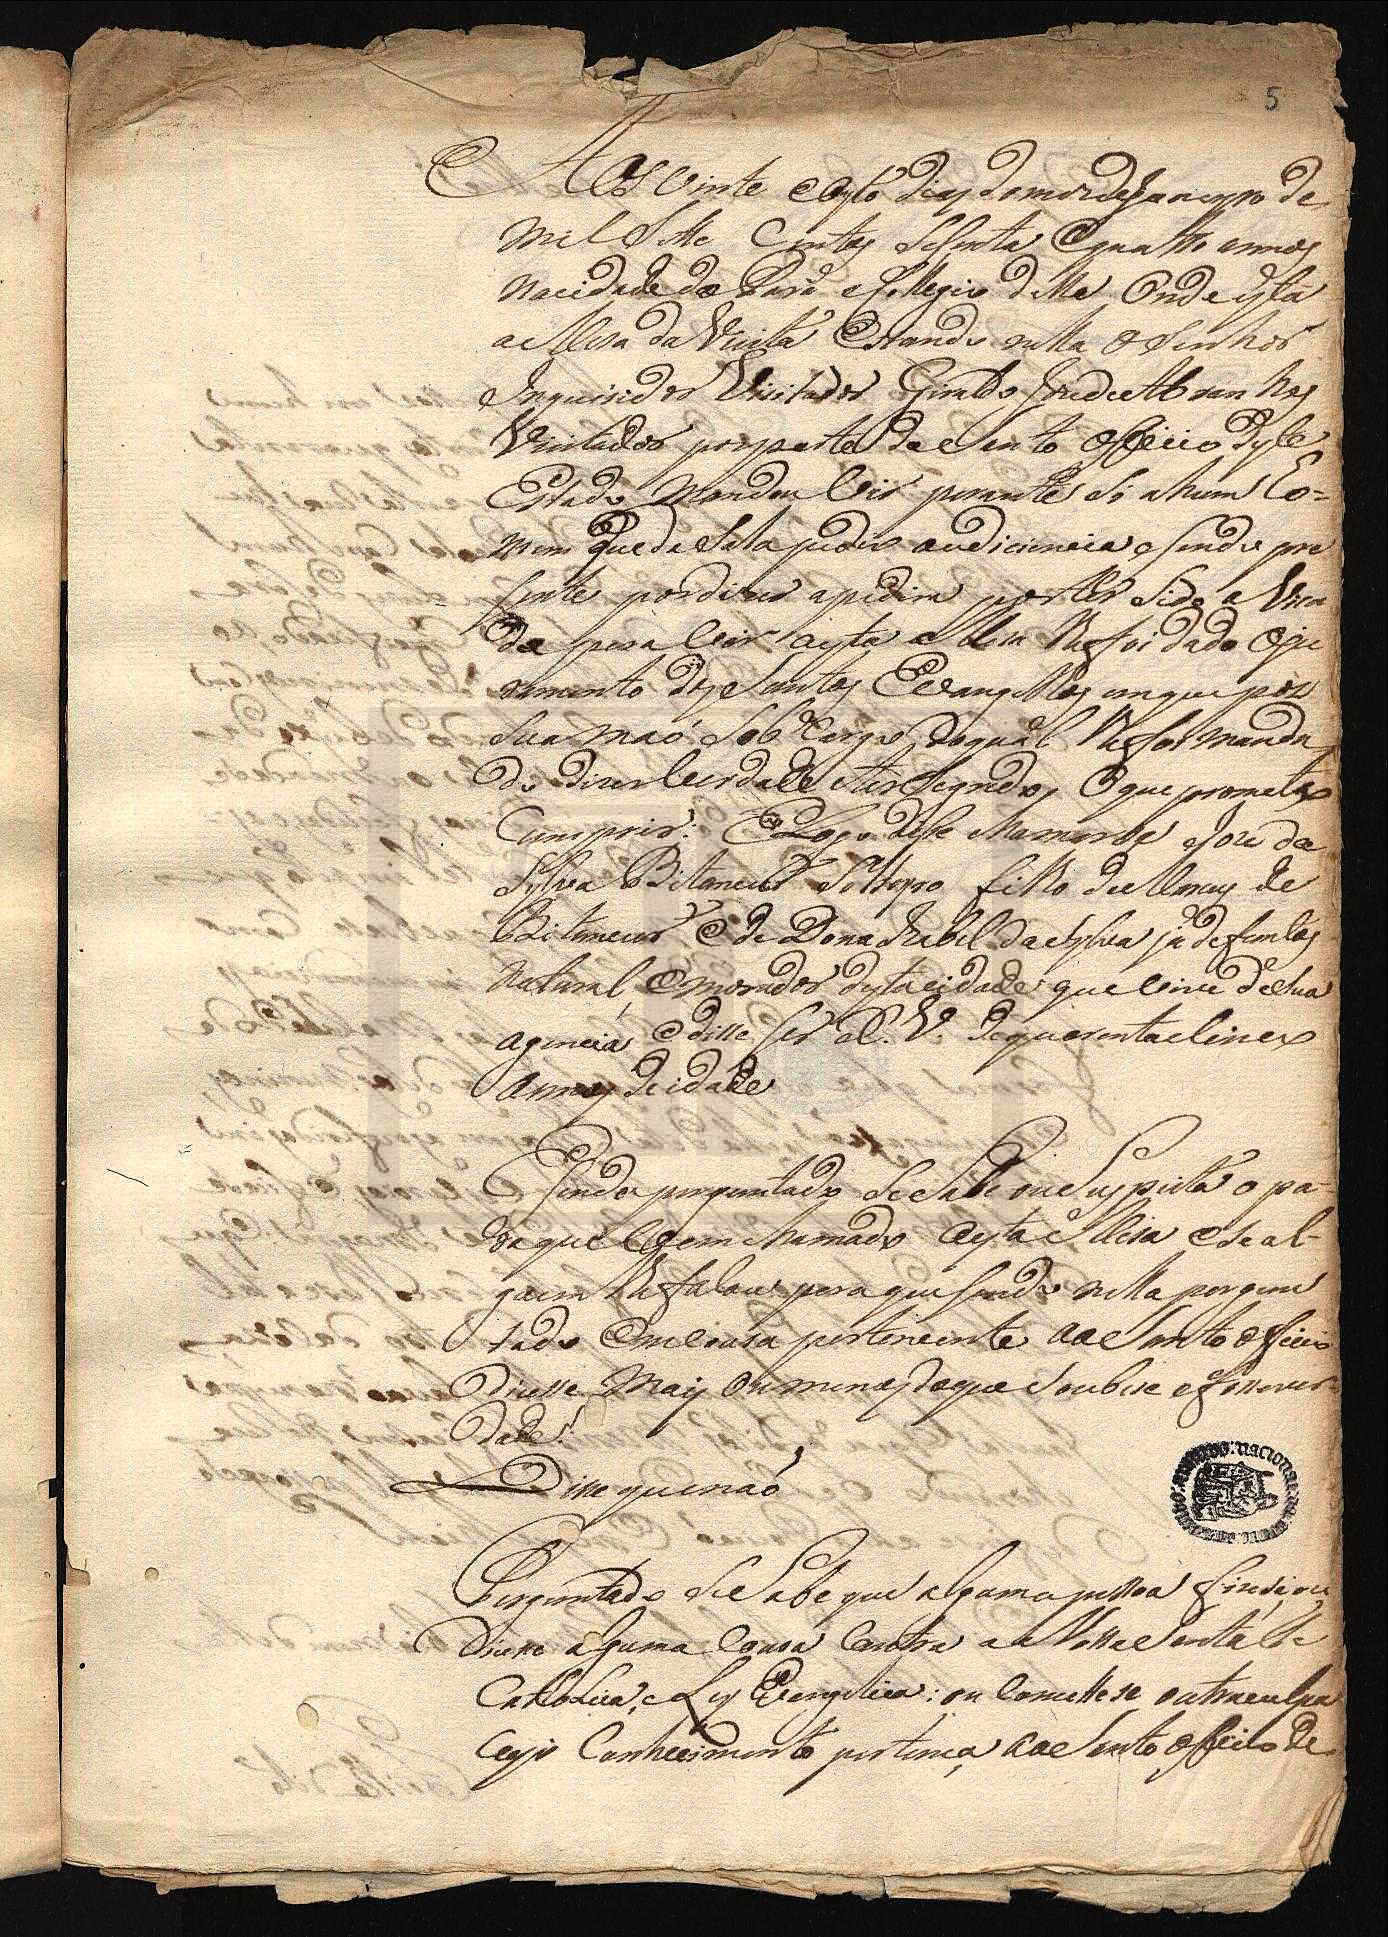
Aos vinte e oyto dias do mez de Janeyro de
mil SetteCentos Sesenta e quatro annos
na cidade do Parà e Collegio della Onde esta
a Mesa da Visita Estando nella o Senhor
Inquisidor Visitador Giraldo Joze de Abrantes
Visitador por parte do Santo officio deste
Estado mandou vir perante si a hum ho
mem que de Sala pedio audiciencia, e sendo pre
sente por dizer a pedira por ter sido aVisa
da para vir a esta Mesa lhe foi dado O ju
ramento dos Santos Evangelhos em que poz
sua maõ Sob cargo do qual lhe foi manda
do dizer verdade e ter segredo O que prometeo
Cumprir: E Logo disse chamarse Iozé da
Sylva Bitancur Solteyro filho de Marcus de
Bitancur e de Dona Izabel da Sylua ja defuntos
natural, e morador desta cidade que viue de Sua
agencia e disse ser X.V. de quarenta e Cinco
annos de idade
E sendo perguntado se sabe ou suspeita o pa
ra que vem chamado a esta Mesa e se al
guem lhe falou pera que sendo nella pergun
tado em cousa pertencente ao Santo officio
dicesse mais ou menos do que soubese e fosse ver
dade.
Disse que naõ
Perguntado se Sabe que alguma pessoa fizese, ou
dicesse alguma Cousa Contra a Nossa Santa Fe
CathoLica, e Ley Euangelica: ou Comettese outra culpa
cuyo Conhecimento pertença ao Santo officio de
